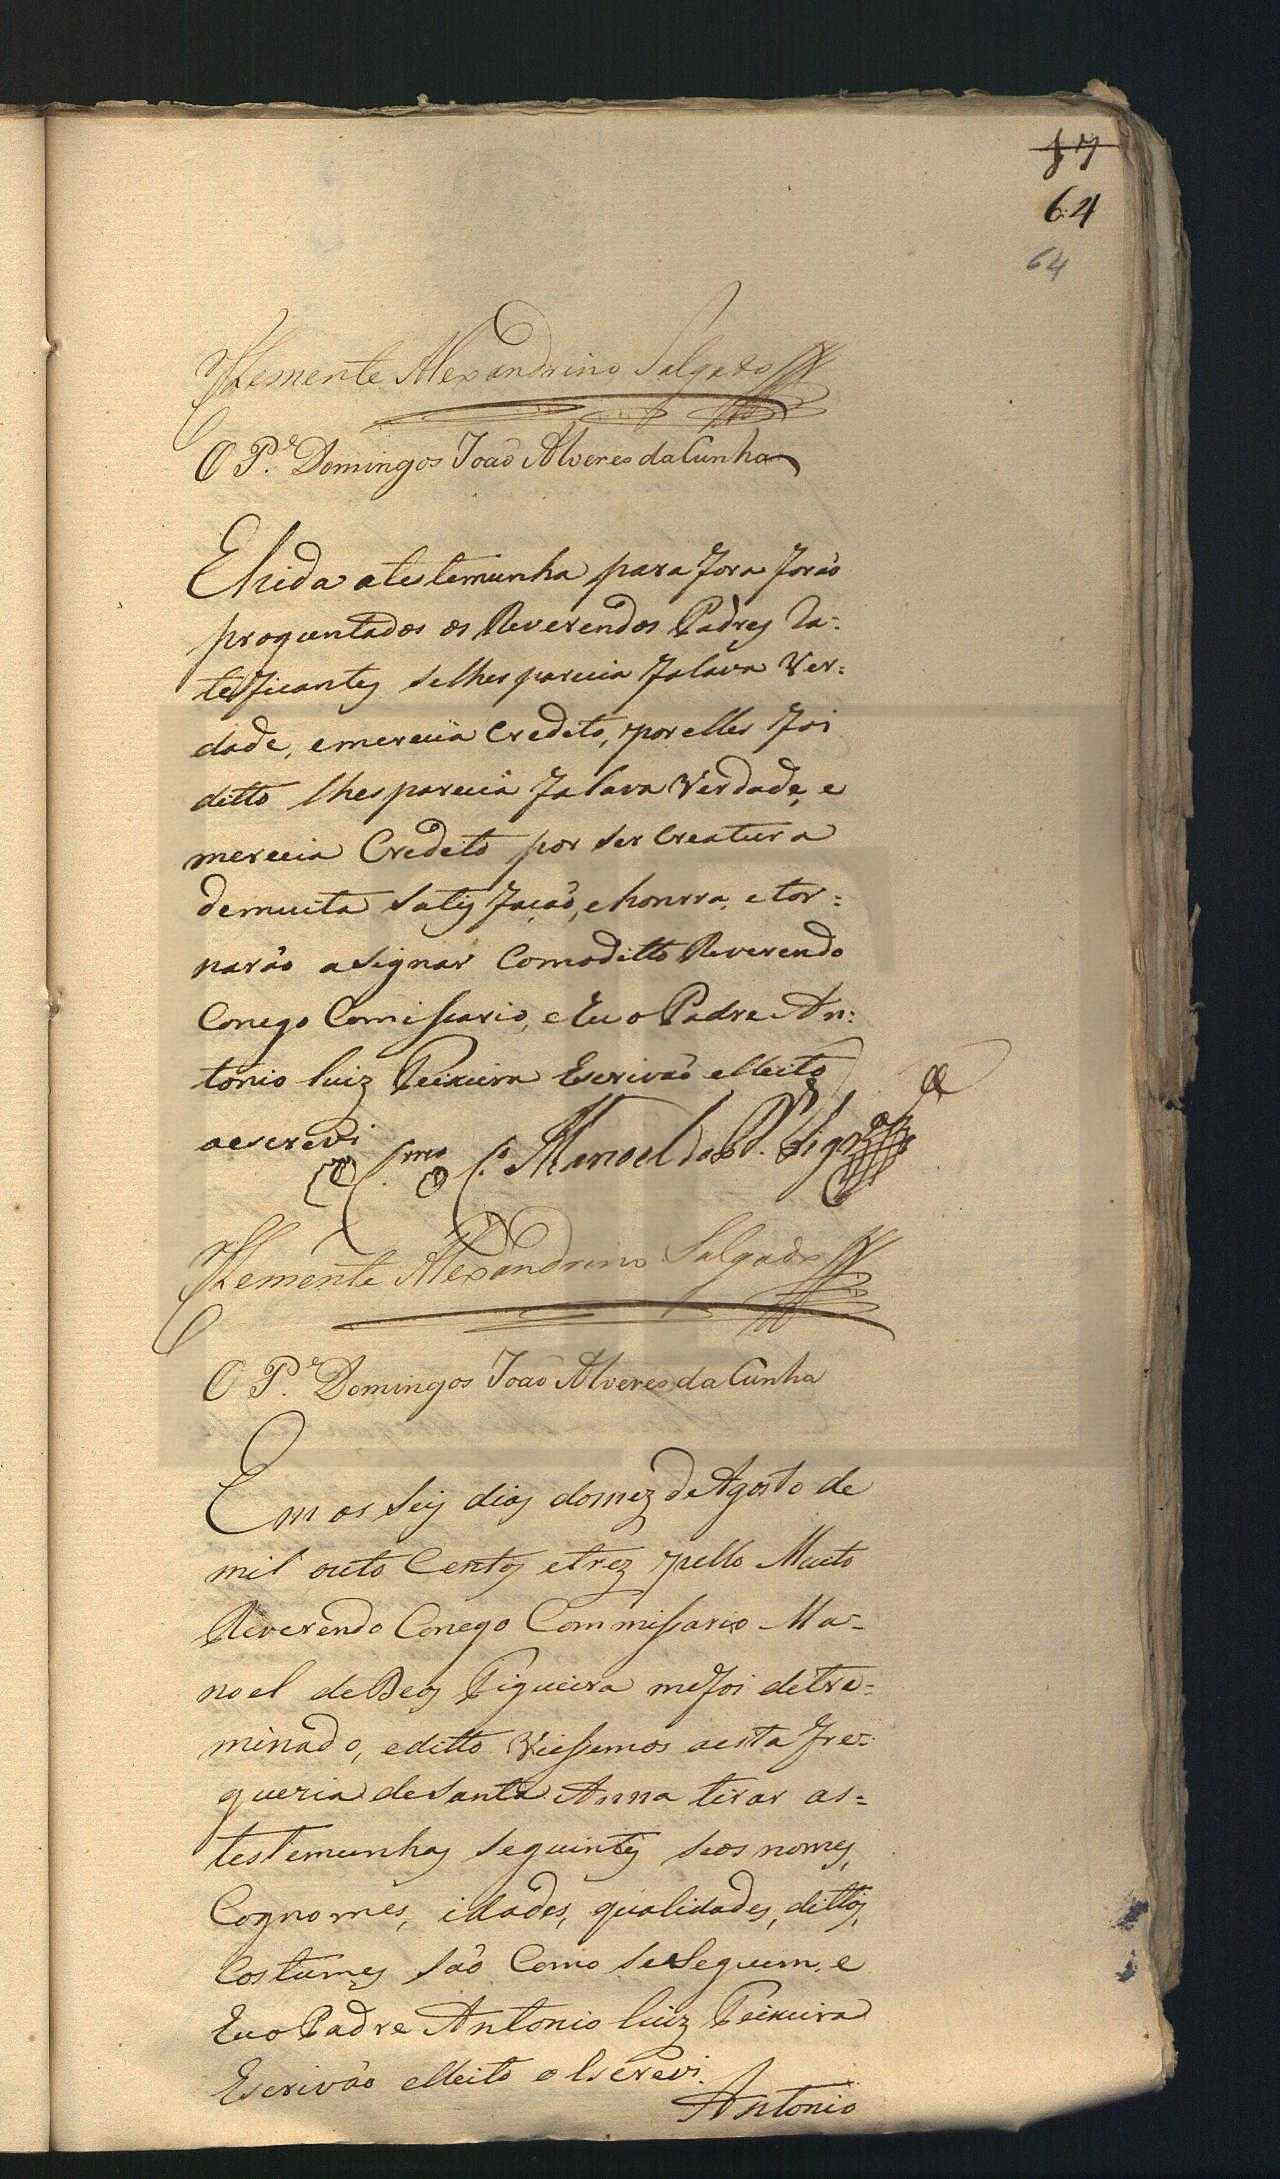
17
64
Clemente Alexandrino Salgado
O P.e Domingos Ioaõ Alveres da Cunha
E hida a testemunha para fora foraõ
proguntados os Reverendos Padres Ra
teficantes se lhes parecia falava Ver
dade, e merecia credito, por elles foi
ditto lhes parecia falava verdade, e
merecia Credito por ser creatura
de muita satisfaçaõ, e honrra, e tor
naraõ asignar com o ditto Reverendo
Conego Comissario, e Eu o Padre An
tonio luiz Teixeira Escrivaõ elleito
o escrevi
o C.o Manoel do D.s Figr.a
Clemente Alexandrino Salgado
O P.e Domingos Ioaõ Alveres da Cunha
Em os seis dias do mez de Agosto de
mil outoCentos e trez pello Muito
Reverendo Conego Commissario Ma
noel de Deos Figueira me foi detre
minado, e ditto Viesemos a esta fre
guezia de Santa Anna tirar as
testemunhas seguintes seos nomes,
Cognomes, idades, qualidades, dittos,
Costumes saõ Como se Seguem, e
Eu o Padre Antonio luiz Teixeira
Escrivaõ elleito o Escrevi
Antonio
